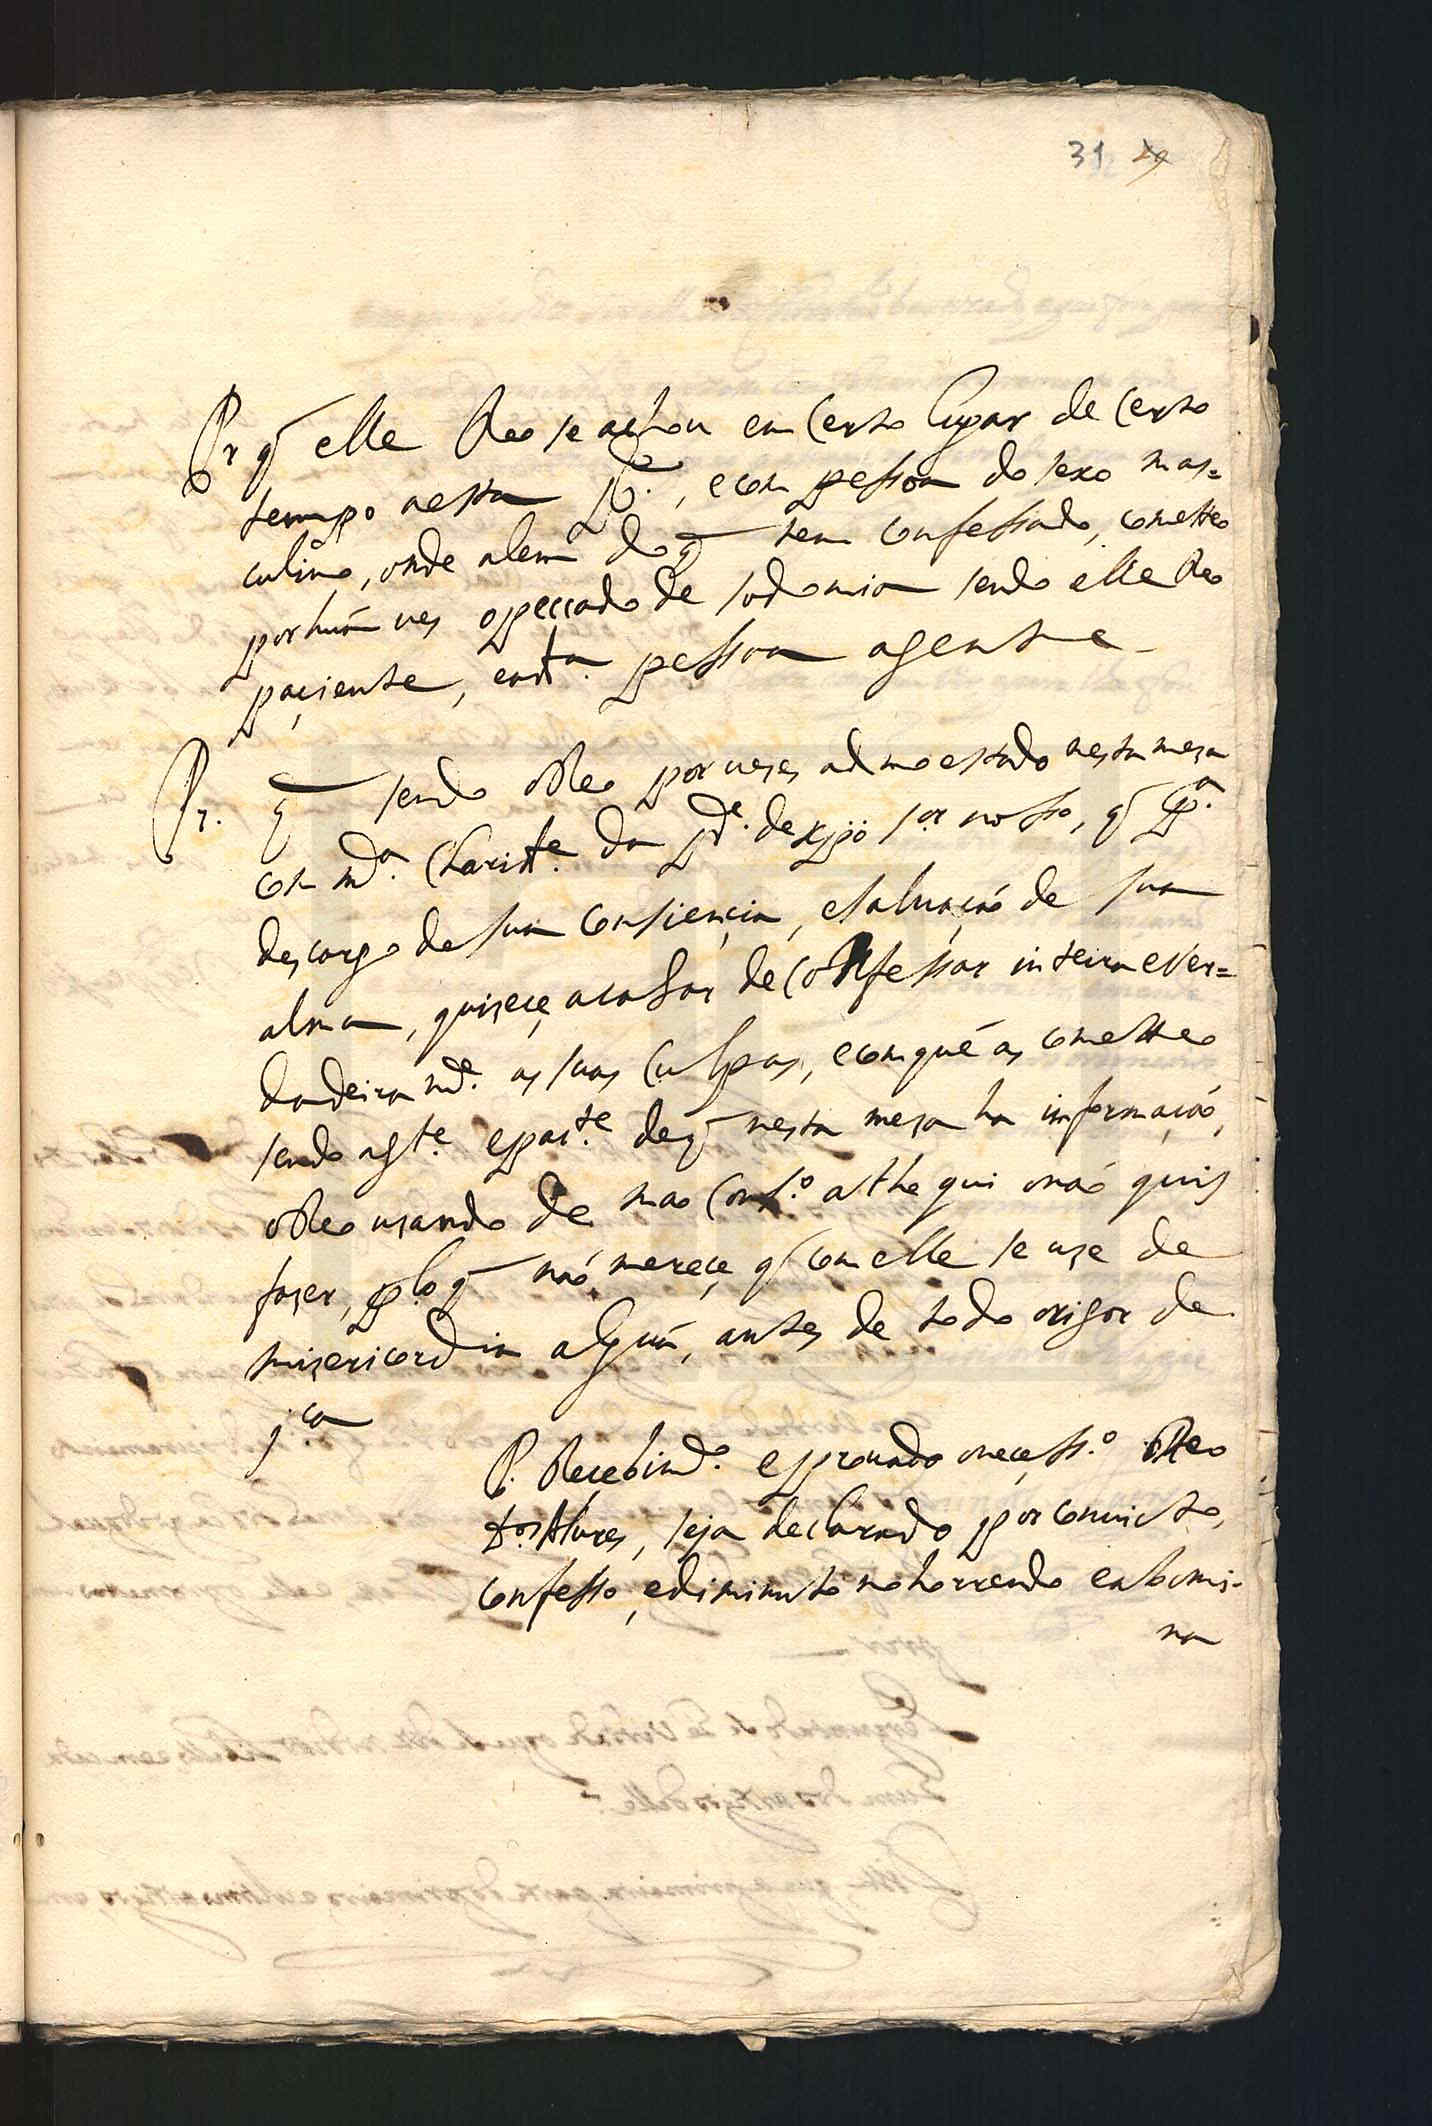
Pr q̄ elle Reo se achou em Certo lugar de certo
tempo a esta p.te, e com pessoa do sexo mas
culino, onde alem do q̄ tem confessado, cometteo
por huā ues o peccado de sodomia sendo elle Reo
paçiente, e a d̄.a pessoa agente
Pr. q̄ sendo o Reo por uezes admoestado nesta meza
com m.ta Charid.e da p.te de xp̄o s.or nosso, q̄ p.a
descargo de sua consiençia, e saluaçaõ de sua
alma, quizeçe acabar de confessar inteira e ver
dadeiram.te as suas Culpas, e com quē as cometteo
sendo ag.te e pac.te de q̄ nesta meza ha informaçaõ
o Reo uzando de mao Cons.o athe qui o naõ quis
fazer, plo q̄ naõ mereçe q̄ com elle se uze de
mizericordia alguā, antes de todo o rigor de
j.ca
P. Recebimdo e prouado o necess.o o Reo
D.os Alures, seja declarado por conuicto,
confesso, e diminuto no horrendo e abomi
na
